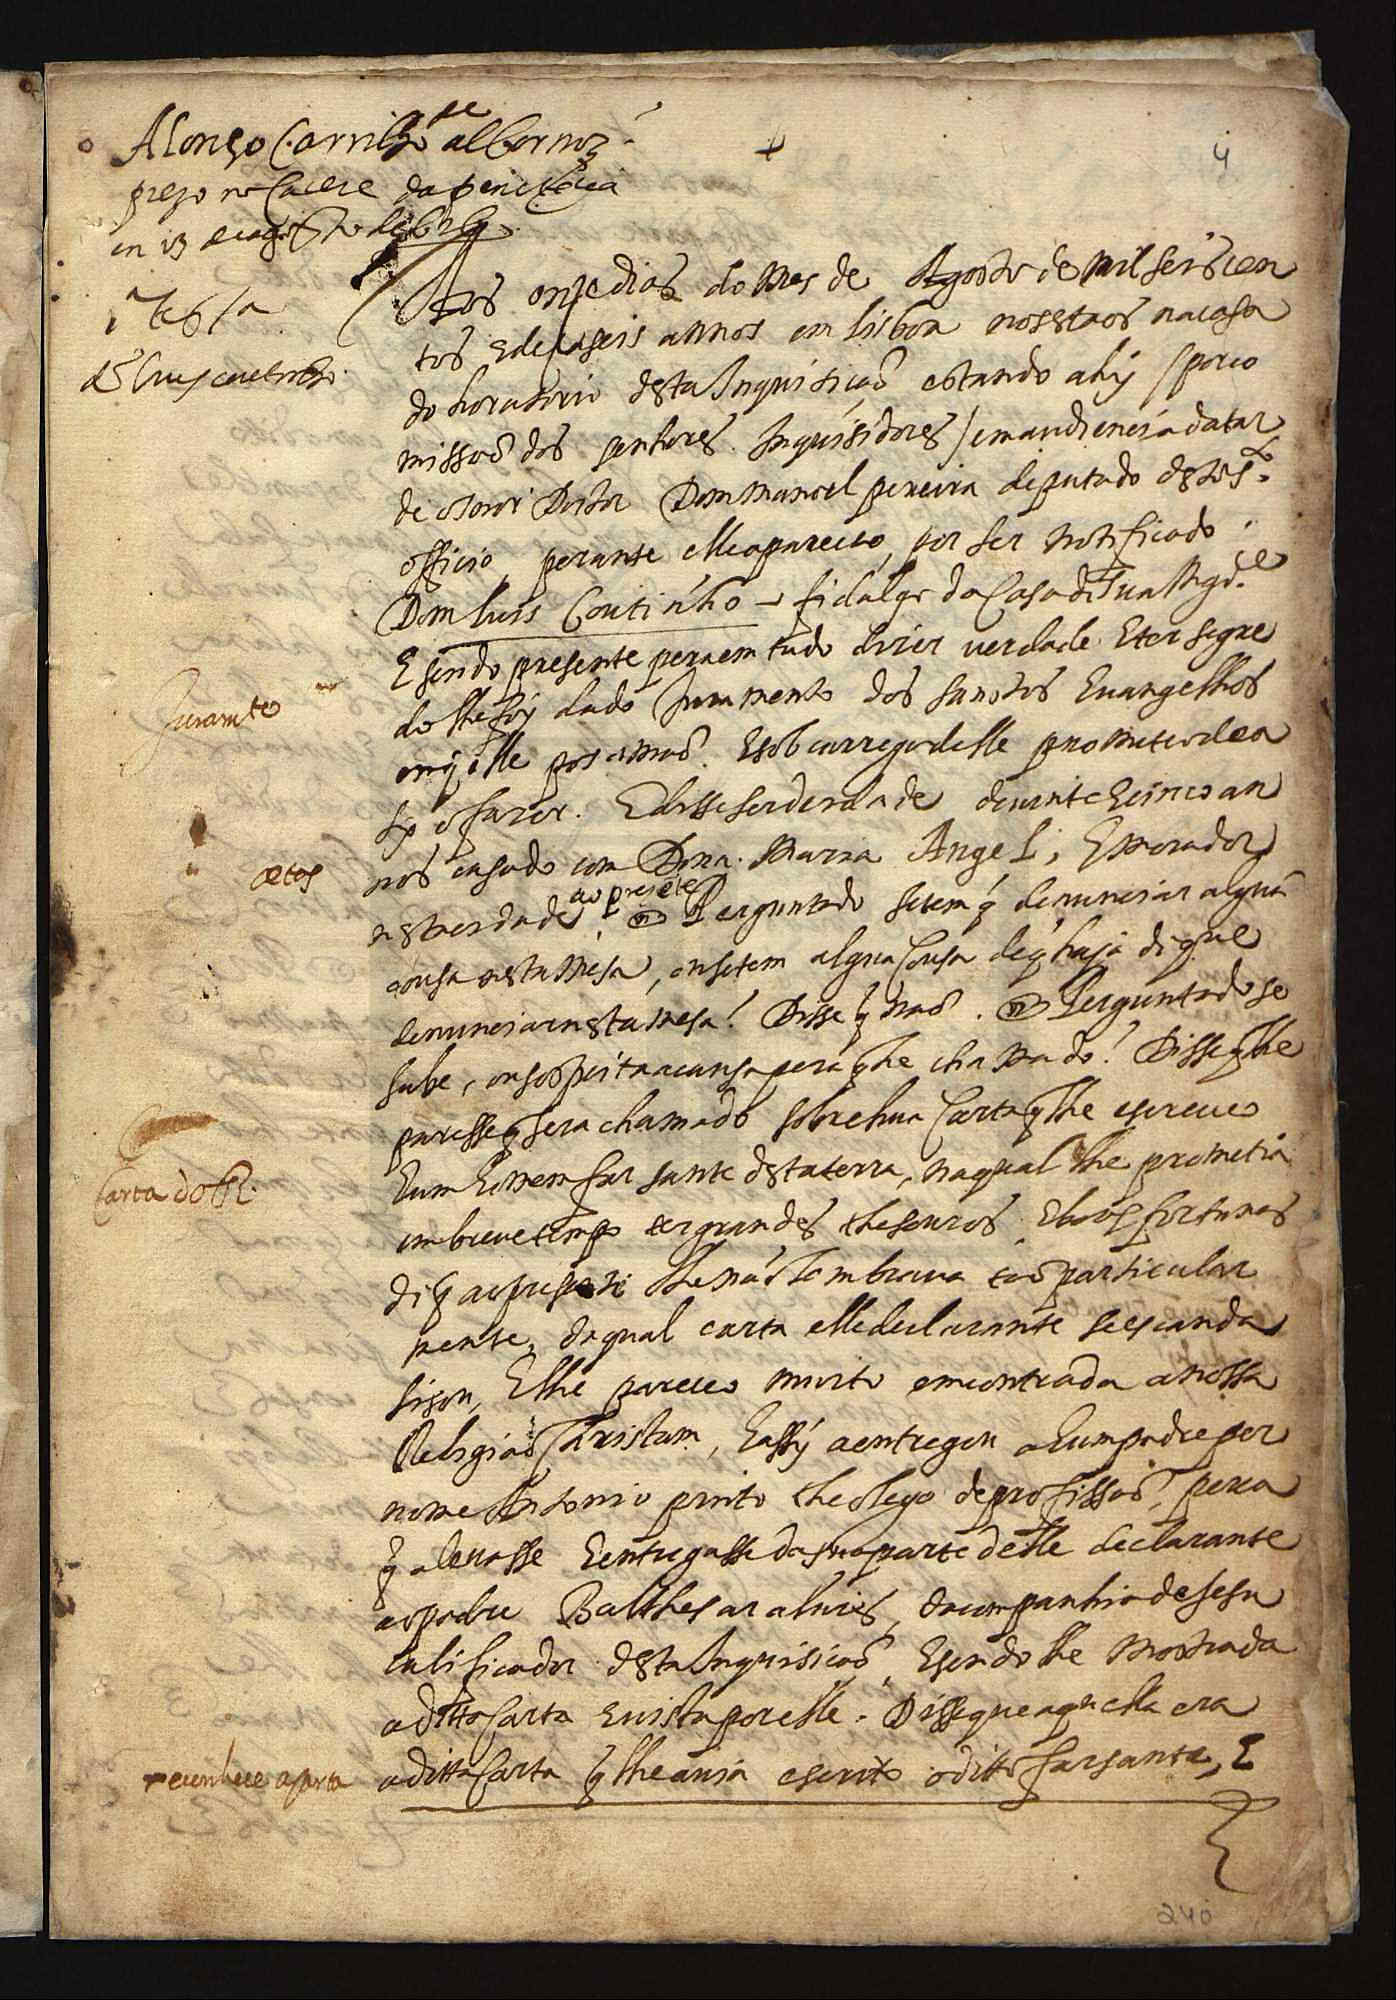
Alonso Carrilho de albernoz
prezo no Cacere da penitēcia
en i3 de agosto de 626
1a testa
dō luis coutinho.
Aos onze dias do mes de Agosto de mil seiscen
tos E dezaseis annos em lisboa nos estaos na casa
do horatorio desta Inquisiçaõ estando ahy (por co
missaõ dos senhores Jnquisidores) em audiencia da tar
de o sonr̄ Doctor Dom manoel pereira deputado deste sto.
officio, perante elle apareceo, por ser notificado
Dom luis Coutinho - fidalgo da Casa de sua Mgd.e
E sendo presente pera em tudo dizer uerdade E ter segre
do lhe foy dado Juramento dos sanctos Euangelhos
Juramto
em q̄ elle pos a maõ E sob carrego delle prometeo de a
sy o fazer. E disse ser de idade de uinte E cinco an
nos casado com Dona Maria AngeL, E morador
ætas
nesta cidade
ao prezēte
Perguntado se tem q̄ denunciar alguā
cousa nesta mesa, ou se tem alguā Cousa de q̄ haja de que
denunciar nesta mesa? Disse q̄ naõ. ¶ Perguntado se
sabe, ou sospeita a causa pera q̄ he chamado? Disse q̄ lhe
paresse q̄ sera chamado sobre hua Carta q̄ lhe escreueo
hum homem farsante desta terra, na qual lhe prometia
Carta do R.
em breue tempo ter grandes thesouros E boas fortunas
de q̄ ao presente lhe naõ lembraua tão particular
mente, da qual carta elle declarante se escanda
lisou, E lhe pareceo muito emcontrada a nossa
Religiaõ Christam, E assy a entregou a hum padre per
nome Antonio pinto theolego de profissaõ, pera
q̄ a leuasse E entregasse da sua parte delle declarante
ao padre Balthesar alures, da companhia de Jesu
calificador desta Inquisiçaõ, E sendo lhe mostrada
a ditta Carta E uista por elle. Disse que aquella era
a ditta Carta q̄ lhe auia escrito o ditto farsante, E
reconhece a Carta
